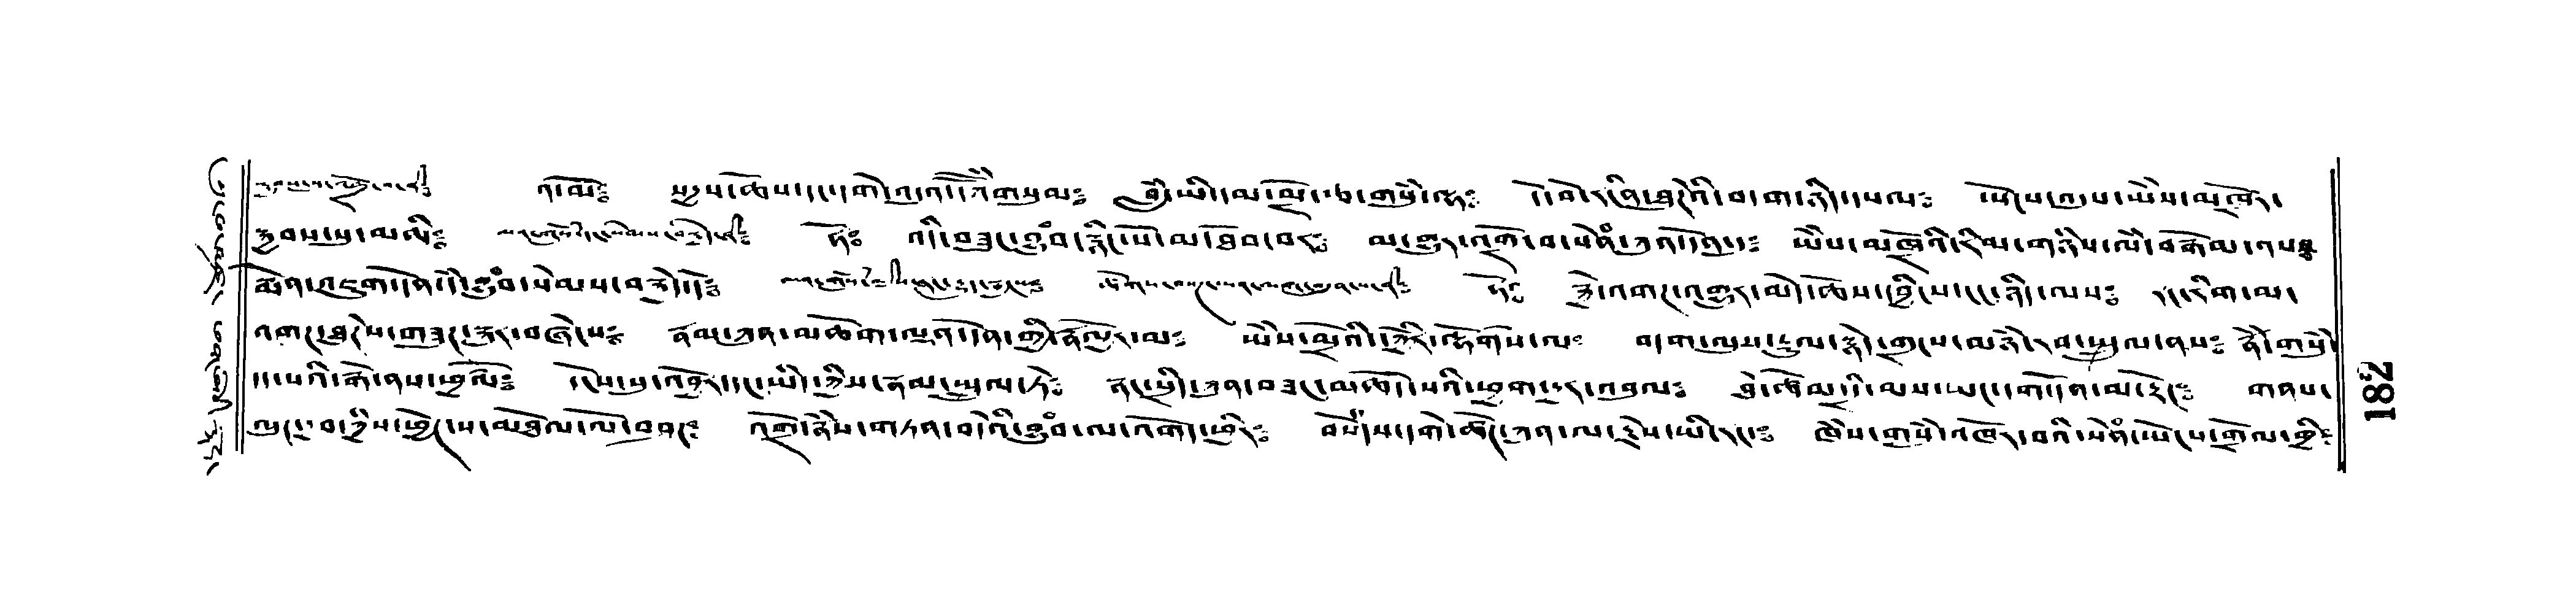སྐྱབས་སུ་འགྲོ་བ་ནི༔ ན་མོ༔ སངས་རྒྱས་ཆོས་དང་དགེ་འདུན་དཀོན་མཆོག་གསུམ༔ བླ་མ་ཡི་དམ་མཁའ་འགྲོ་རྩ་གསུམ་ལྷ༔ ངོ་བོ་རང་བཞིན་ཐུགས་རྗེའི་བདག་ཉིད་དཔལ༔ ཡོངས་འདུས་ཡེ་ཤེས་མཁའ་འགྲོར་
སྐྱབས་སུ་མཆི༔ ལན་གསུམ་དང༔ སེམས་བསྐྱེད་ནི༔ཧོཿ འདི་བཟུང་བྱང་ཆུབ་སྙིང་པོ་མ་ཐོབ་བར༔ མ་གྱུར་འགྲོ་བ་སེམས་ཅན་ཀུན་དོན་དུ༔ ཡེ་ཤེས་མཁའ་འགྲོའི་རིམ་གཉིས་ལམ་བསྒོམ་ནས༔ 
སྨོན་འཇུག་དོན་དམ་བྱང་ཆུབ་སེམས་བསྐྱེད་དོ༔ ལན་གསུམ་གྱིས་རང་རྒྱུད་སྦྱངས༔ ཚོགས་བསགས་ཡན་ལག་བདུན་པ་ནི༔ ཧོཿ སྐྱེ་འགགས་འགྱུར་མེད་ཆོས་དབྱིངས་ངང་ཉིད་ལས༔ རང་རིག་མ་
འགགས་ཐུགས་རྗེས་གཟུགས་སྐུར་བཞེངས༔ རྣམ་ཀུན་མཆོག་ལྡན་དོན་གྱི་རྣལ་འབྱོར་མ༔ ཡེ་ཤེས་མཁའ་འགྲོའི་དཀྱིལ་འཁོར་ལྷ་ཚོགས་ལ༔ བདག་ལུས་རྡུལ་སྙེད་གྲངས་མཉམ་རབ་སྤྲུལ་ནས༔ རྣམ་གསུམ་
དད་པའི་སྒོ་ནས་ཕྱག་འཚལ་ལོ༔ དངོས་སུ་འབྱོར་དང་ཡིད་ཀྱིས་རྣམ་སྤྲུལ་ཏེ༔ སྣང་སྲིད་ཀུན་བཟང་མཆོད་པའི་ཕྱག་རྒྱར་འབུལ༔ ཐེ་ཚོམ་དྲི་མས་ཡང་དག་དོན་མ་རྟོགས༔ གནས་
ལུགས་རྒྱབ་ཀྱིས་ཕྱོགས་པ་མཐོལ་ལོ་བཤགས༔ འགྲོ་རྣམས་གཏན་བདེའི་བྱང་ཆུབ་ལ་འགོད་ཕྱིར༔ བསོད་ནམས་དགེ་ཚོགས་ཀུན་ལ་རྗེས་ཡི་རང༔ ཁམས་གསུམ་འཁོར་བའི་སེམས་ཅན་ཡོངས་གྲོལ་གྱི༔